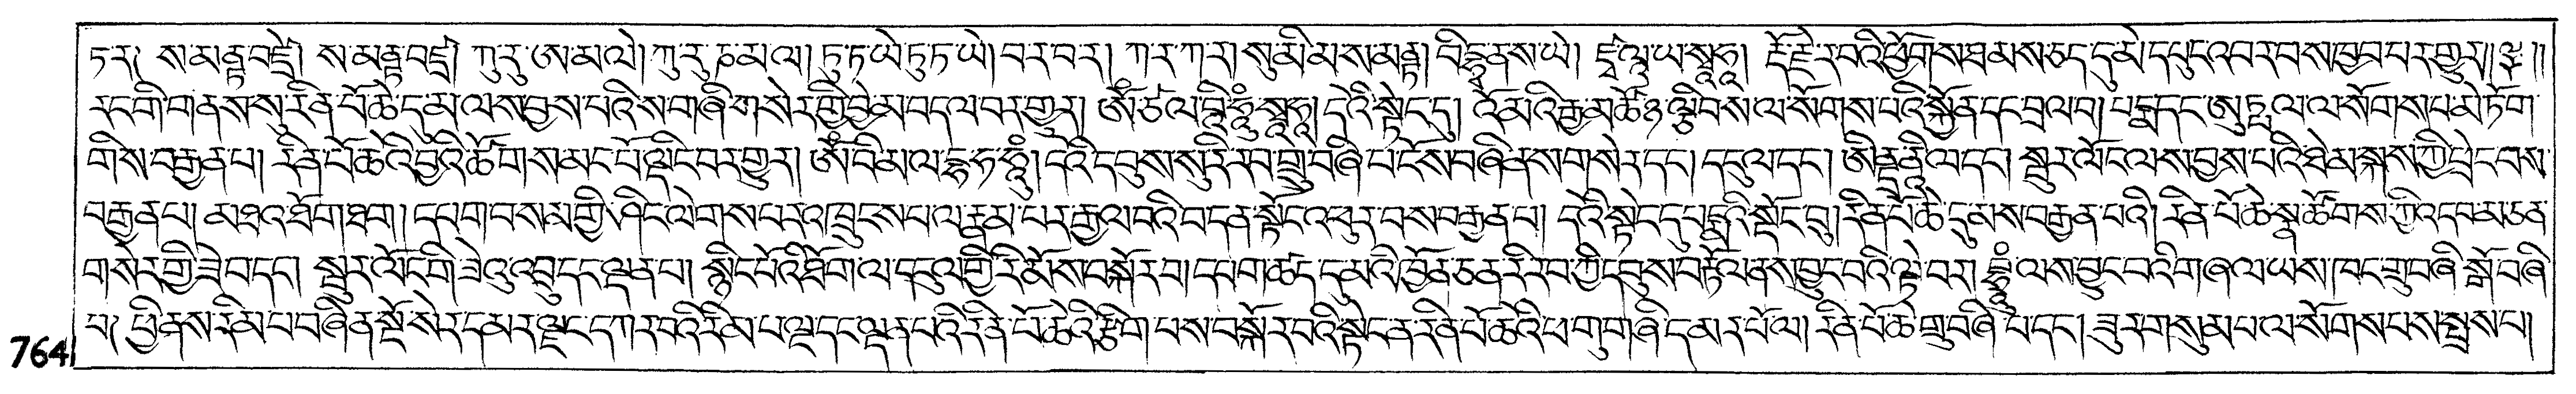ཏ་ར། ས་མནྟ་བཛྲེ། ས་མནྟ་བཛྲ། ཀུ་རུ་ཨ་མ་ལེ། ཀུ་རུ་ཎ་མ་ལ། ཏུ་ཏ་ཡེ་ཏུ་ཏ་ཡེ། བ་ར་བ་ར། ཀ་ར་ཀ་ར། སུ་མི་མ་ས་མནྟ། བིདྷྭ་ན་ས་ཡེ། ཛྭ་ལཱ་ཡ་སྭཱཧཱ། རྡོ་རྗེ་ར་བའི་ཕྱོགས་ཐམས་ཅད་དུ་མེ་དཔུང་འབར་བས་ཁྱབ་པར་གྱུར།། ༈ །།
རང་གི་གནས་སུ་རིན་པོ་ཆེ་དུ་མ་ལས་བྱས་པའི་ས་གཞི་གསེར་གྱི་བྱེ་མ་བདལ་བར་གྱུར། ཨོཾ་ཙལ་བཱི་ཧཱུཾ་སྭཱཧཱ། དེའི་སྟེང་དུ། འོ་མའི་རྒྱ་མཚོ་ཉ་ལྕིབས་ལ་སོགས་པའི་སྐྱོན་དང་བྲལ་བ། པདམ་དང་ཨུཏྤལ་ལ་སོགས་པ་མེ་ཏོག་
གིས་བརྒྱན་པ། རིན་པོ་ཆེའི་བྱའི་ཚོགས་མང་པོ་ལྡིང་བར་གྱུར། ཨོཾ་བི་མ་ལ་དྷ་ཧ་ཧཱུཾ། དེའི་དབུས་སུ་རི་རབ་གྲུ་བཞི་པ་ངོས་བཞི་ནས་གསེར་དང་། དངུལ་དང་། ཨིནྡྲ་ནཱི་ལ་དང་། སྦུར་ལོང་ལས་བྱས་པའི་ཐེམ་སྐས་ཀྱི་ཕྲེང་བས་
བརྒྱན་པ། མཐའ་ཐོག་ཐག །དཔག་བསམ་གྱི་ཤིང་ལེགས་པར་འཁྲུངས་པ་ལ་རྣམ་པར་རྒྱལ་བའི་བདན་སྟོང་འཕུར་བས་བརྒྱན་པ། དེའི་སྟེང་དུ་པདམའི་སྡོང་བུ། རིན་པོ་ཆེ་དུ་མས་བརྒྱན་པའི། རིན་པོ་ཆེ་སྣ་ཚོགས་ཀྱི་འདབ་མ་ཅན་
གསེར་གྱི་ཟེ་བ་དང་། སྦུར་ལོང་གི་ཟེའུ་འབྲུ་དང་ལྡན་པ། སྙིང་པོའི་ཐོག་ལ་དངུལ་གྱི་རི་མོས་བསྐོར་བ། དཔག་ཚད་དུ་མའི་ཁྱོན་ཅན་རི་རབ་ཀྱི་དབུས་བརྟོལ་ནས་བྱུང་བའི་ལྟེ་བར། བྷྲཱུཾ་ལས་བྱུང་བའི་གཞལ་ཡས་ཁང་གྲུ་བཞི་སྒོ་བཞི་
པ། ཕྱི་ནས་རིམ་པ་བཞིན་སྔོ་སེར་དམར་ལྗང་དཀར་བའི་རིམ་པ་ལྔ་དང་ལྡན་པའི་རིན་པོ་ཆེའི་རྩིག་པས་བསྐོར་བའི་སྟེང་ན་རིན་པོ་ཆེའི་ཕ་གུ་གཞི་དམར་པོ་ལ། རིན་པོ་ཆེ་གྲུ་བཞི་པ་དང་། ཟུར་གསུམ་པ་ལ་སོགས་པས་སྤྲས་པ།